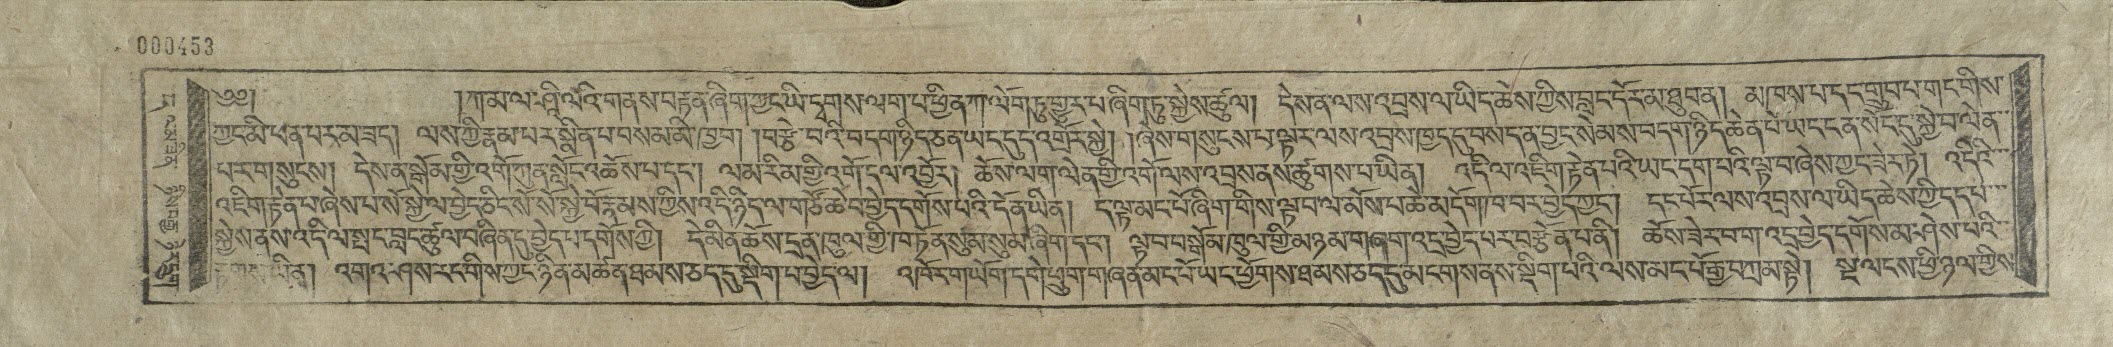༄༅། །ཀ་མ་ལ་ཤཱི་ལའི་གནས་བརྟན་ཞིག་ཀྱང་ཡི་དྭགས་ལག་པ་ཕྱིན་ཀ་ལོག་ཏུ་གྱུར་པ་ཞིག་ཏུ་སྐྱེས་ཚུལ། དེས་ན་ལས་འབྲས་ལ་ཡིད་ཆེས་ཀྱིས་བླང་དོར་མ་ཐུབ་ན། མཁས་པ་དང་གྲུབ་པ་གང་གིས་
ཀྱང་མི་ཕན་པར་མ་ཟད། ལས་ཀྱི་རྣམ་པར་སྨིན་པ་བསམ་མི་ཁྱབ། །བརྩེ་བའི་བདག་ཉིད་ཅན་ཡང་དུད་འགྲོར་སྐྱེ། །ཞེས་གསུངས་པ་ལྟར་ལས་འབྲས་ཁྱད་དུ་བསད་ན་བྱང་སེམས་བདག་ཉིད་ཆེན་པོ་ཡང་ངན་སོང་དུ་སྐྱེ་བ་ལེན་
པར་གསུངས། དེས་ན་སྒོམ་གྱི་འགོ་ཀུན་སློང་འཆོས་པ་དང་། ལམ་རིམ་གྱི་འགོ་དལ་འབྱོར། ཆོས་ལག་ལེན་གྱི་འགོ་ལས་འབྲས་ནས་ཚུགས་པ་ཡིན། འདི་ལ་འཇིག་རྟེན་པའི་ཡང་དག་པའི་ལྟ་བ་ཞེས་ཀྱང་ཟེར་ཏེ། འདིའི་
འཇིག་རྟེན་པ་ཞེས་པ་སོ་སྐྱེ་ལ་བྱེད་ཅིང་སོ་སོ་སྐྱེ་བོ་རྣམས་ཀྱིས་འདི་ཉིད་ལ་གཙོ་ཆེ་བ་བྱེད་དགོས་པའི་དོན་ཡིན། ད་ལྟ་མང་པོ་ཞིག་གིས་ལྟ་བ་ལ་མོས་པ་ཆེ་མདོག་ཁ་བར་བྱེད་ཀྱང་། དང་པོར་ལས་འབྲས་ལ་ཡིད་ཆེས་ཀྱི་དད་པ་
སྐྱེས་ནས་འདི་ལ་སྤང་བླང་ཚུལ་བཞིན་དུ་བྱེད་པ་དགོས་ཀྱི། དེ་མིན་ཆོས་དྲན་ཁུལ་གྱི་ཁ་ཏོན་སུམ་སུམ་ཞིག་དང་། ལྟ་བ་བསྒོམ་ཁུལ་གྱི་མཉམ་གཞག་འདྲ་བྱེད་པར་བརྩོན་པ་ནི། ཆོས་ཟེར་བ་ག་འདྲ་བྱེད་དགོས་མ་ཤེས་པའི་
རྟགས་ཡིན། འགའ་ཤས་རང་གིས་ཀྱང་ཉིན་མཚན་ཐམས་ཅད་དུ་སྡིག་པ་བྱེད་ལ། འཁོར་གཡོག་དགེ་ཕྲུག་གཞན་མང་པོ་ཡང་ཕྱོགས་ཐམས་ཅད་དུ་མངགས་ནས་སྡིག་པའི་ལས་མང་པོ་རྒྱ་བཀྲམ་སྟེ། སྔ་ལངས་ཕྱི་ཉལ་གྱིས་